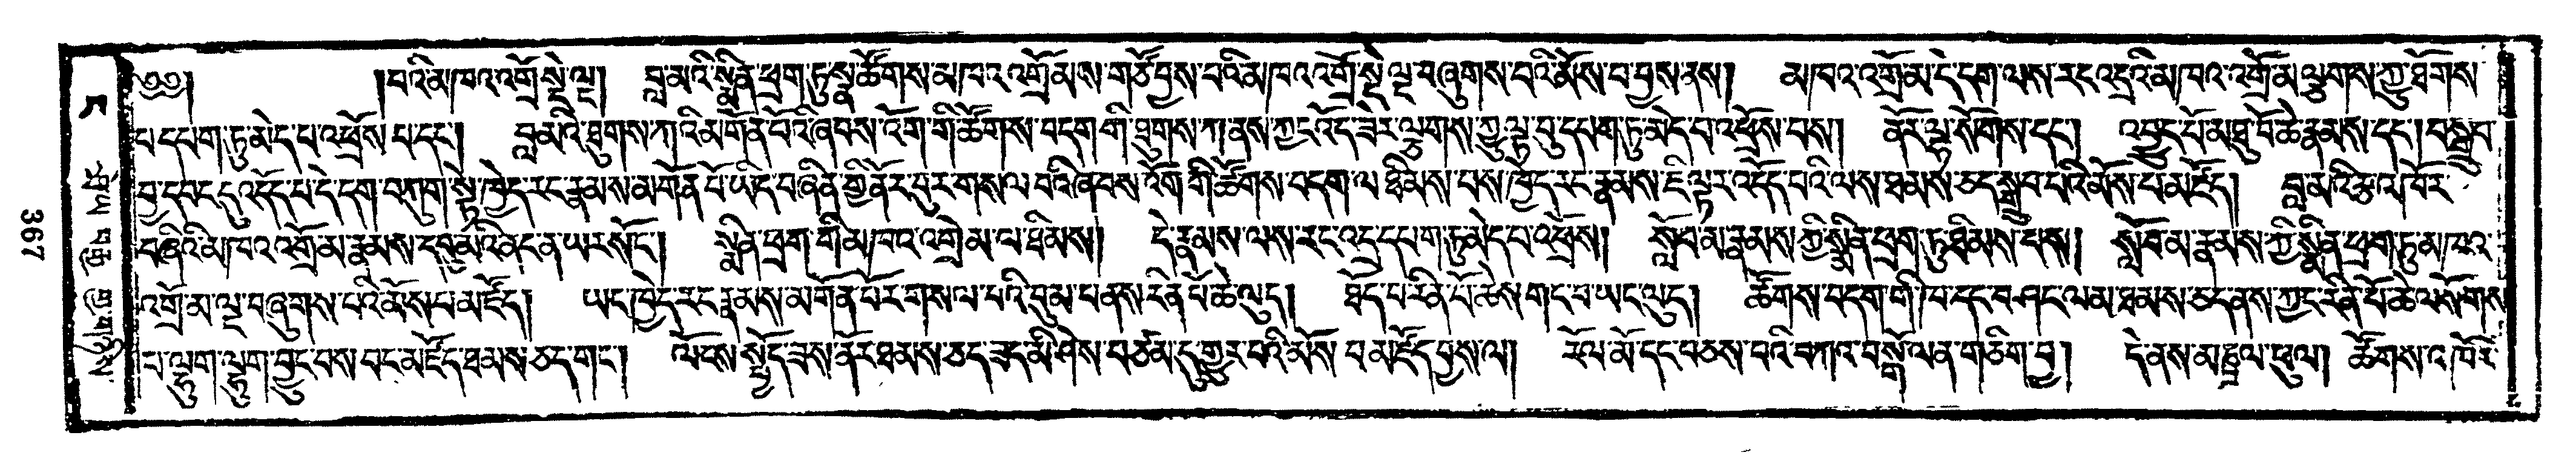༄༅། །བའི་མཁའ་འགྲོ་སྡེ་ལྔ། བླ་མའི་སྨིན་ཕྲག་ཏུ་སྣ་ཚོགས་མཁའ་འགྲོ་མས་གཙོ་བྱས་བའི་མཁའ་འགྲོ་སྡེ་ལྔ་བཞུགས་པའི་མོས་བ་བྱས་ནས། མཁའ་འགྲོ་མ་དེ་དག་ལས་རང་འདྲའི་མཁའ་འགྲོ་མ་ལྕགས་ཀྱུ་ཐོགས་
པ་དཔག་ཏུ་མེད་པ་འཕྲོས་པ་དང་། བླ་མའི་ཐུགས་ཀའི་མགོན་པོའི་ཞབས་འོག་གི་ཚོགས་བདག་གི་ཐུགས་ཀ་ནས་ཀྱང་འོད་ཟེར་ལྕགས་ཀྱུ་ལྟ་བུ་དཔག་ཏུ་མེད་པ་འཕྲོས་པས། །ནོར་ལྟ་སོགས་དང་། །འབྱུང་པོ་མཐུ་པ་ཆེ་རྣམས་དང་། །བསྒྲུབ་
བྱ་དབང་དུ་འདོད་པ་དེ་དག་བཀུག་སྟེ་ཁྱེད་རང་རྣམས་མགོན་པོ་ཡིད་བཞིན་གྱི་ནོར་བུར་གསལ་བའི་ཞབས་འོག་གི་ཚོགས་བདག་ལ་ཐིམས་པས་ཁྱེད་རང་རྣམས་ཇི་ལྟར་འདོད་པའི་ལས་ཐམས་ཅད་སྒྲུབ་པའི་མོས་པ་མཛོད། བླ་མའི་རྩ་འཁོར་
བཞིའི་མཁའ་འགྲོ་མ་རྣམས་དབུ་མའི་ནང་ན་ཡར་སོང་། སྨིན་ཕྲག་གི་མཁའ་འགྲོ་མ་ལ་ཐིམས། དེ་རྣམས་ལས་རང་འདྲ་དཔག་ཏུ་མེད་པ་འཕྲོས། སློབ་མ་རྣམས་ཀྱི་སྨིན་ཕྲག་ཏུ་ཐིམས་པས། སློབ་མ་རྣམས་ཀྱི་སྨིན་ཕྲག་ཏུ་མཁའ་
འགྲོ་མ་ལྔ་བཞུགས་པའི་མོས་པ་མཛོད། ཡང་ཁྱེད་རང་རྣམས་མགོན་པོར་གསལ་པའི་བུམ་པ་ནས་རིན་པོ་ཆེ་ལུད། ཐོད་པ་རིན་པོ་ཆེས་གང་བ་ཡང་ལུད། ཚོགས་བདག་གི་ཁ་དང་བཤང་ལམ་ཐམས་ཅད་ནས་ཀྱང་རིན་པོ་ཆེ་ལ་སོགས་
པ་ལྷུང་ལྷུག་བྱུང་པས་བང་མཛོད་ཐམས་ཅད་གང་། །ལོངས་སྤྱོད་ཟས་ནོར་ཐམས་ཅད་ཟད་མི་ཤེས་བ་ཙམ་དུ་གྱུར་པའི་མོས་པ་མཛོད་བྱས་ལ། །རོལ་མོ་དང་བཅས་པའི་བཀའ་བསྒོ་ལན་གཅིག་བྱ། །དེ་ནས་མཎྜལ་ཕུལ། །ཚོགས་འཁོར་